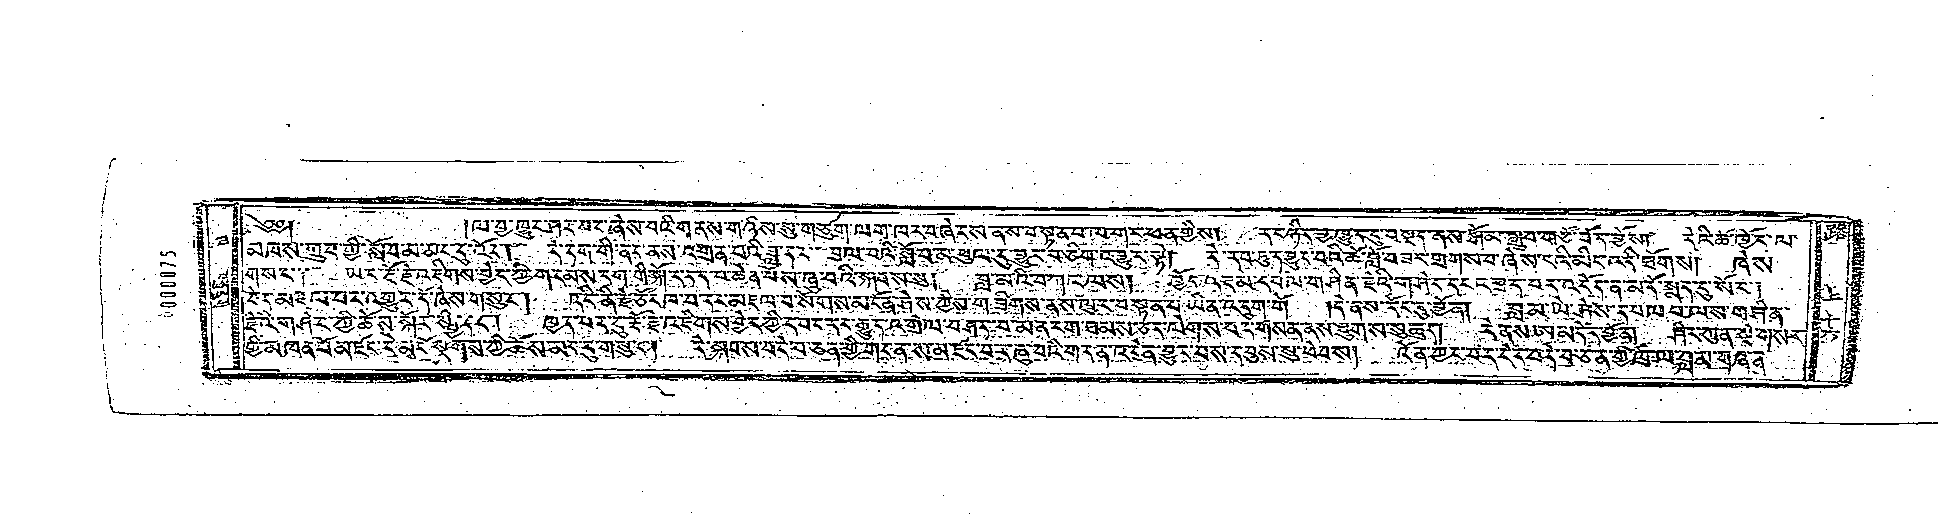༄༅། །ལ་བྱ་ཁྱུང་ཤར་པར་ཞེས་བའི་གནས་གཉིས་སུ་གཙུག་ལག་ཁང་བཞེངས་ནས་བསྟན་བ་ལ་གང་ཕན་གྱིས། རང་ཉིད་བྱ་ཁྱུད་དུ་བསྔལ་ནས་སྒོམ་སྒྲུབ་གཙོ་བོར་བྱོས། དེའི་ཚེ་ཁྱོད་ལ་
མཁས་གྲུབ་ཀྱི་སློབ་མ་མང་དུ་འོང་། དེ་དག་གི་ནང་ནས་འགྲན་པའི་ཟླ་དང་བྲལ་བའི་སློབ་མ་ཕུལ་དུ་བྱུང་བ་ཅིག་འབྱུང་སྟེ། དེ་རབ་ཏུ་དབྱུང་བའི་ཚེ་བློ་བཟང་གྲགས་བ་ཞེས་ངའི་མིང་འདི་ཐོགས། ཞེས་
གསང༑ ཡང་རྡོ་རྗེ་འཇིགས་བྱེད་ཀྱི་གདམས་ངག་གི་སྐོར་དད་པ་ཆེན་པོས་ཞུ་བའི་སྐབས་སུ། བླ་མའི་བཀའ་ལས། ཁྱོད་འཇམ་དཔལ་གཤིན་རྗེའི་གཤེད་དང་འབྲད་པར་འདོད་ན་མདོ་སྨད་དུ་སོང་།
དེར་མཇལ་བར་འགྱུར་རོ་ཞེས་གསུང་། འདི་ནི་རྗེ་ཙོང་ཁ་པ་དང་མཇལ་བ་སོགས་མངོན་ཤེས་ཀྱིས་གཟིགས་ནས་ལུང་བསྟན་པ་ཡིན་འདུག་གོ །དེ་ནས་རོང་དུ་བྱོན། བླ་མ་ཡེ་ཤེས་དཔལ་བ་ལས་གཤིན་
རྗེའི་གཤེད་ཀྱི་ཆོས་སྐོར་སྤྱི་དང་། ཁྱད་པར་དུ་རྡོ་རྗེ་འཇིགས་བྱེད་ཀྱི་དབང་དང་རྒྱུད་འགྲེལ་བཤད་བ་མར་རག་ཐམས་ཅད་ལེགས་བར་གསན་ནས་ཐུགས་སུ་ཆུད། དེ་ནས་ཨ་མདོར་བྱོན། ཤིང་ཀུན་སྡེ་གསར་
གྱི་མཁན་པོ་མཛད་དེ་མདོ་སྔགས་ཀྱི་ཆོས་མང་དུ་གསུང་། དེ་སྐབས་བདེ་པ་ཅན་གྱི་གདན་ས་མཛད་པར་ཞུ་བའི་གདན་འདྲེན་བྱུང་བས་དབུས་སུ་ཕེབས། འོན་ཀྱང་བར་དེར་བདེ་བ་ཅན་གྱི་ཁྲིལ་བླ་མ་གཞན་